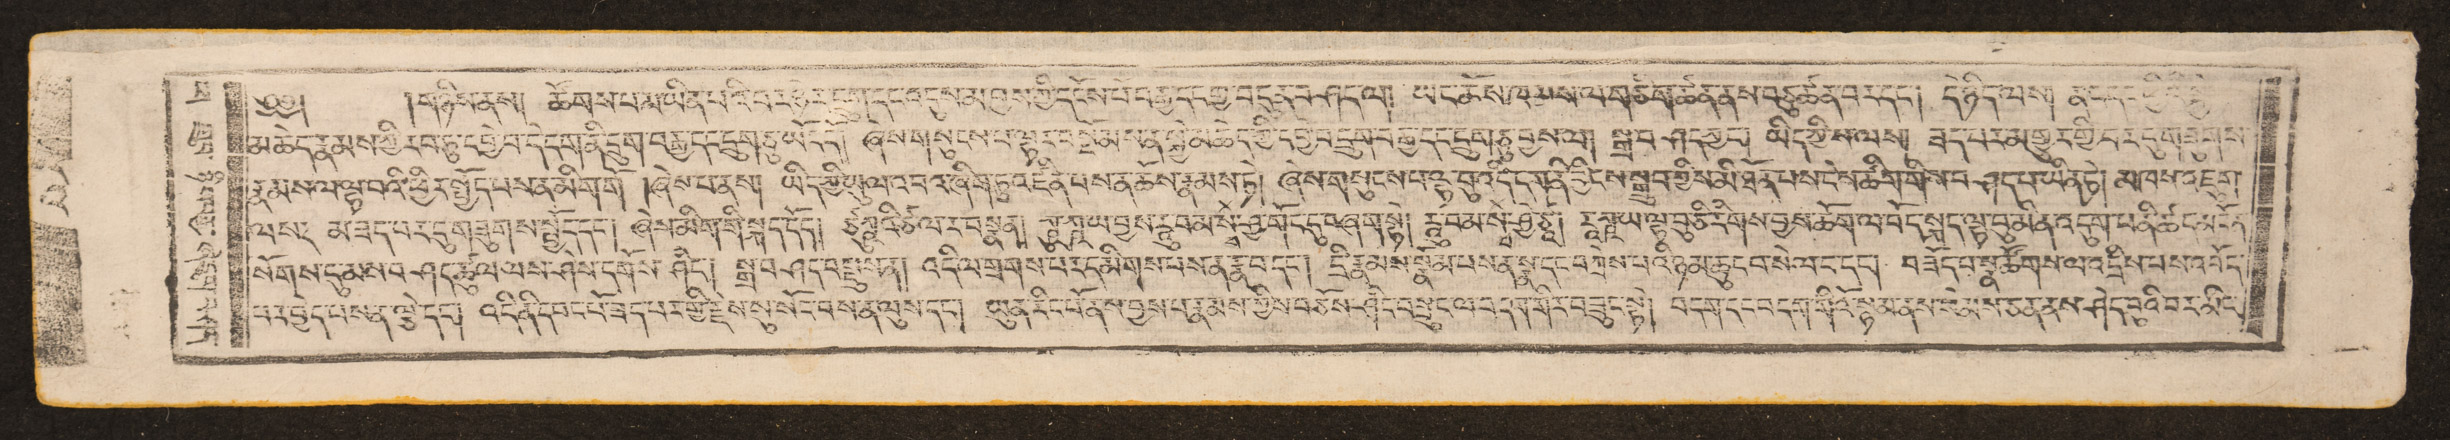༄༅། །གཉིས་ནས། ཚོགས་པ་མ་ཡིན་པའི་བར་ཉེར་དྲུག་དང་འདུས་མ་བྱས་ཀྱི་དངོས་པོ་བརྒྱ་དང་གྱ་བདུན་བཤད་ལ། ཡང་ཆོས་ཁམས་ལ་གཅིག་ཚན་ནས་བཅུ་ཚན་བར་དང་། དེ་ཉིད་ལས། ནང་དང་ཕྱིའི་སྐྱེ་
མཆེད་རྣམས་ཀྱི་རབ་ཏུ་དབྱེ་བ་དེ་དག་ནི་དྲུག་བརྒྱ་དར་དྲུག་ཅུ་ཡོད་དོ། ཞེས་གསུངས་པ་ལྟར་བསྡོམས་ན་སྐྱེ་མཆེད་ཀྱི་དབྱེ་བ་དྲུག་བརྒྱ་དང་དྲུག་ཅུ་བྱས་ལ། སྒྲ་བཤད་ཀྱང་། ཡིད་ཀྱིས་ལས། ཟད་པར་མ་གྱུར་གྱི་བར་དུ་གཟུགས་
རྣམས་ལ་ལྟ་བའི་ཕྱིར་སྤྱོད་པས་ན་མིག་གོ །ཞེས་པ་ནས། ཡིད་ཀྱི་ཡུལ་འབའ་ཞིག་ཏུ་འཛིན་པས་ན་ཆོས་རྣམས་ཏེ། ཞེས་གསུངས་པ་ལྟ་བུ་འདི་དག་ནི་བྱིངས་སྒྲུབ་ཀྱིས་མི་ཐོན་པས་དེས་ཚིག་གིས་བཤད་པ་ཡིན་ཏེ། མཁས་འཇུག་
ལས༑ མཐད་པར་དུ་གཟུགས་སྤྱོད་དང་། ཞེས་མིག་གི་སྐད་དོད། ཙཀྵུའི་ཙལ་ར་བསྣན། ཀྵུ་ཀྵ་ཡ་བྱས་རཱུ་བམ་ས་ཤྱ་གོང་དུ་བཞག་སྟེ། རཱུ་ངམ་ས་ཤྱེ་ཙཱ། རཱཀྵ་ཡ་ལྟ་བུ་ཅི་རིགས་བྱས་ཆོག་ལ་བོད་སྐད་ལྟ་བུ་མིན་འདུག་པ་ནི་ཚད་མངོན་
སོགས་དུ་མས་བཤད་ཚུལ་ལས་ཤེས་དགོས་ཤིང༑ སྒྲ་བཤད་བསྡུས་ན། འདི་ལ་གྲགས་པར་དམིགས་པས་ན་རྣ་བ་དང་། དྲི་རྣམས་སྣོམ་པས་ན་སྣ་དང་བཀྲེས་པའི་ཉམ་ཆུང་བ་?་སེལ་བ་དང་། བཟོད་པ་སྣ་ཚོགས་ལ་འདྲིས་པས་འབོད་
པར་བྱེད་པས་ན་ལྕེ་དང་། འདི་ནི་དབང་པོ་ཟད་པར་གྱི་རྗེས་སུ་སོང་བས་ན་ལུས་དང་། ཡུན་རིང་པོ་ནས་བྱས་པ་རྣམས་ཀྱིས་བཅོས་ཤིང་བསྲུང་ལ་བདག་གིར་བཟུང་སྟེ། བདག་དང་བདག་གིའོ་སྙམ་ནས་སེམས་ཅན་ནས་ཤེད་བུའི་བར་མིང་